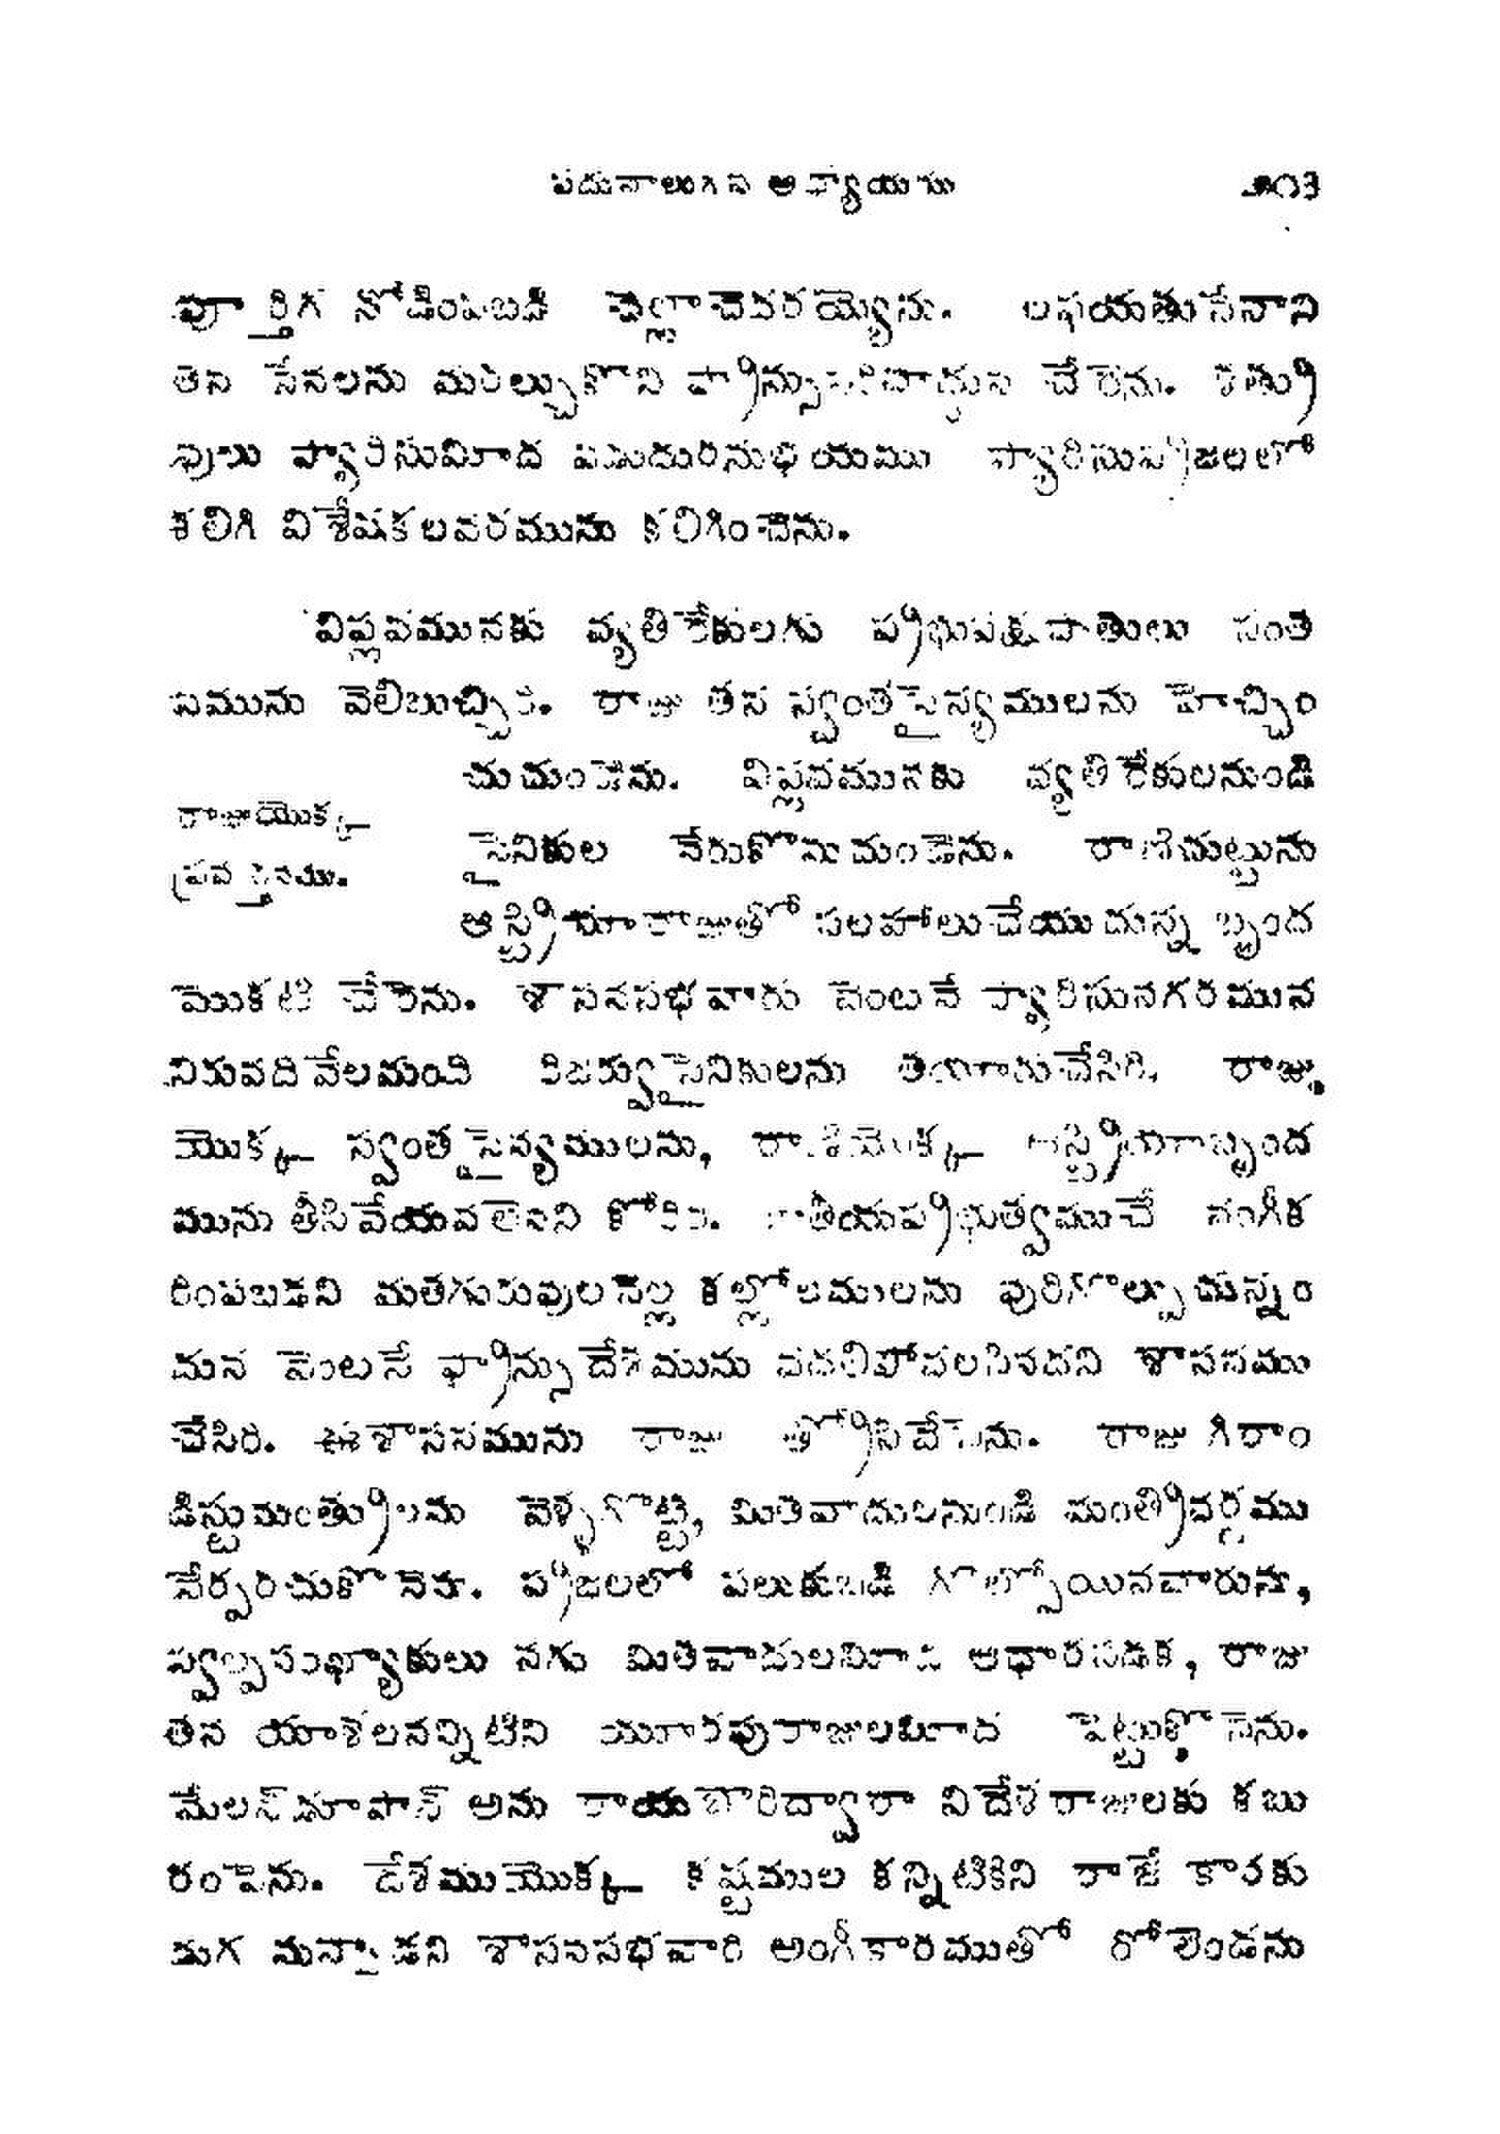పూర్తిగా నోడింపబడి చెల్లా చెదురయ్యెను. లపయతు సేనాని
తెన సేనలను మరల్చుకొని ప్రాన్సు సరిహద్దుచేరెను. " శతృ
పులు ప్యారిసు మీద పడుదురను భయము ప్యారిసు ప్రజల లో
కలిగి విశేషకలవరమును కలిగించెను,

రాజు యొక్క
ప్రవర్తనము

విప్లవమునకు వ్యతిరేకులగు ప్రభుపక్ష పాతులు సంతస
మును వెలిబుచ్చిరి '. రాజు తన స్వంత సైన్యము
హెచ్చించుచుండెను. విప్లవమునకు వ్యతిరేకులనుండి
సైనికులను చేర్చుకొనుచుండెను. రాణిచుట్టును
ఆస్ట్రియా రాజుతో, సలహాలు చేయుచున్న బృంద
మొకటి చేరెను. శాసనసభ వారు వెంటనే ప్యారిసు సునగరమున
నిరువది వేలమంది రిజర్వు సైనికులను తయారు చేసిరి,
రాజు యొక్క- స్వంత సైన్యములను, రాణియొక్క ఆస్ట్రియా బృంద
మును తీసివేయవలెనని కోరిరి.జాతీయ ప్రభుత్వముచే నంగీకరింప
పబడని మతగురువుల నెల్ల కల్లోలములను పురిగొల్పుచున్నం
దున వెంటసే ఫ్రాన్ను దేశమును వదలిపోపలసినదని శాసనము
చేసిరి. ఈ శాసనమును రాజు త్రోసివేసెను. రాజు గీరాం
డిస్టు మంత్రును వెళ్ళగొట్టి, మితవాదులు నుండి. మంత్రివర్గము
నేర్పంచుకొనెను. ప్రజలలో పలుకుబడి. గోల్పోయినవారును,
స్వల్ప సంఖ్యాకులు సగు మితవాదుల మీద ఆధార పడక , రాజు
తన యాశలనన్నిటిని యూపురాజులమీద పెట్టుకొనెను.
మేలన్ డూపాన్ అను రాయబారి ద్వారా విదేశ రాజులకు కబు
రంపెను. దేశము యొక్క కష్టముల కన్నిటికిని రాజే కారకు
కుడగ నున్నాడని శాసనసభ వారి అంగీకారముతో రోలెండను